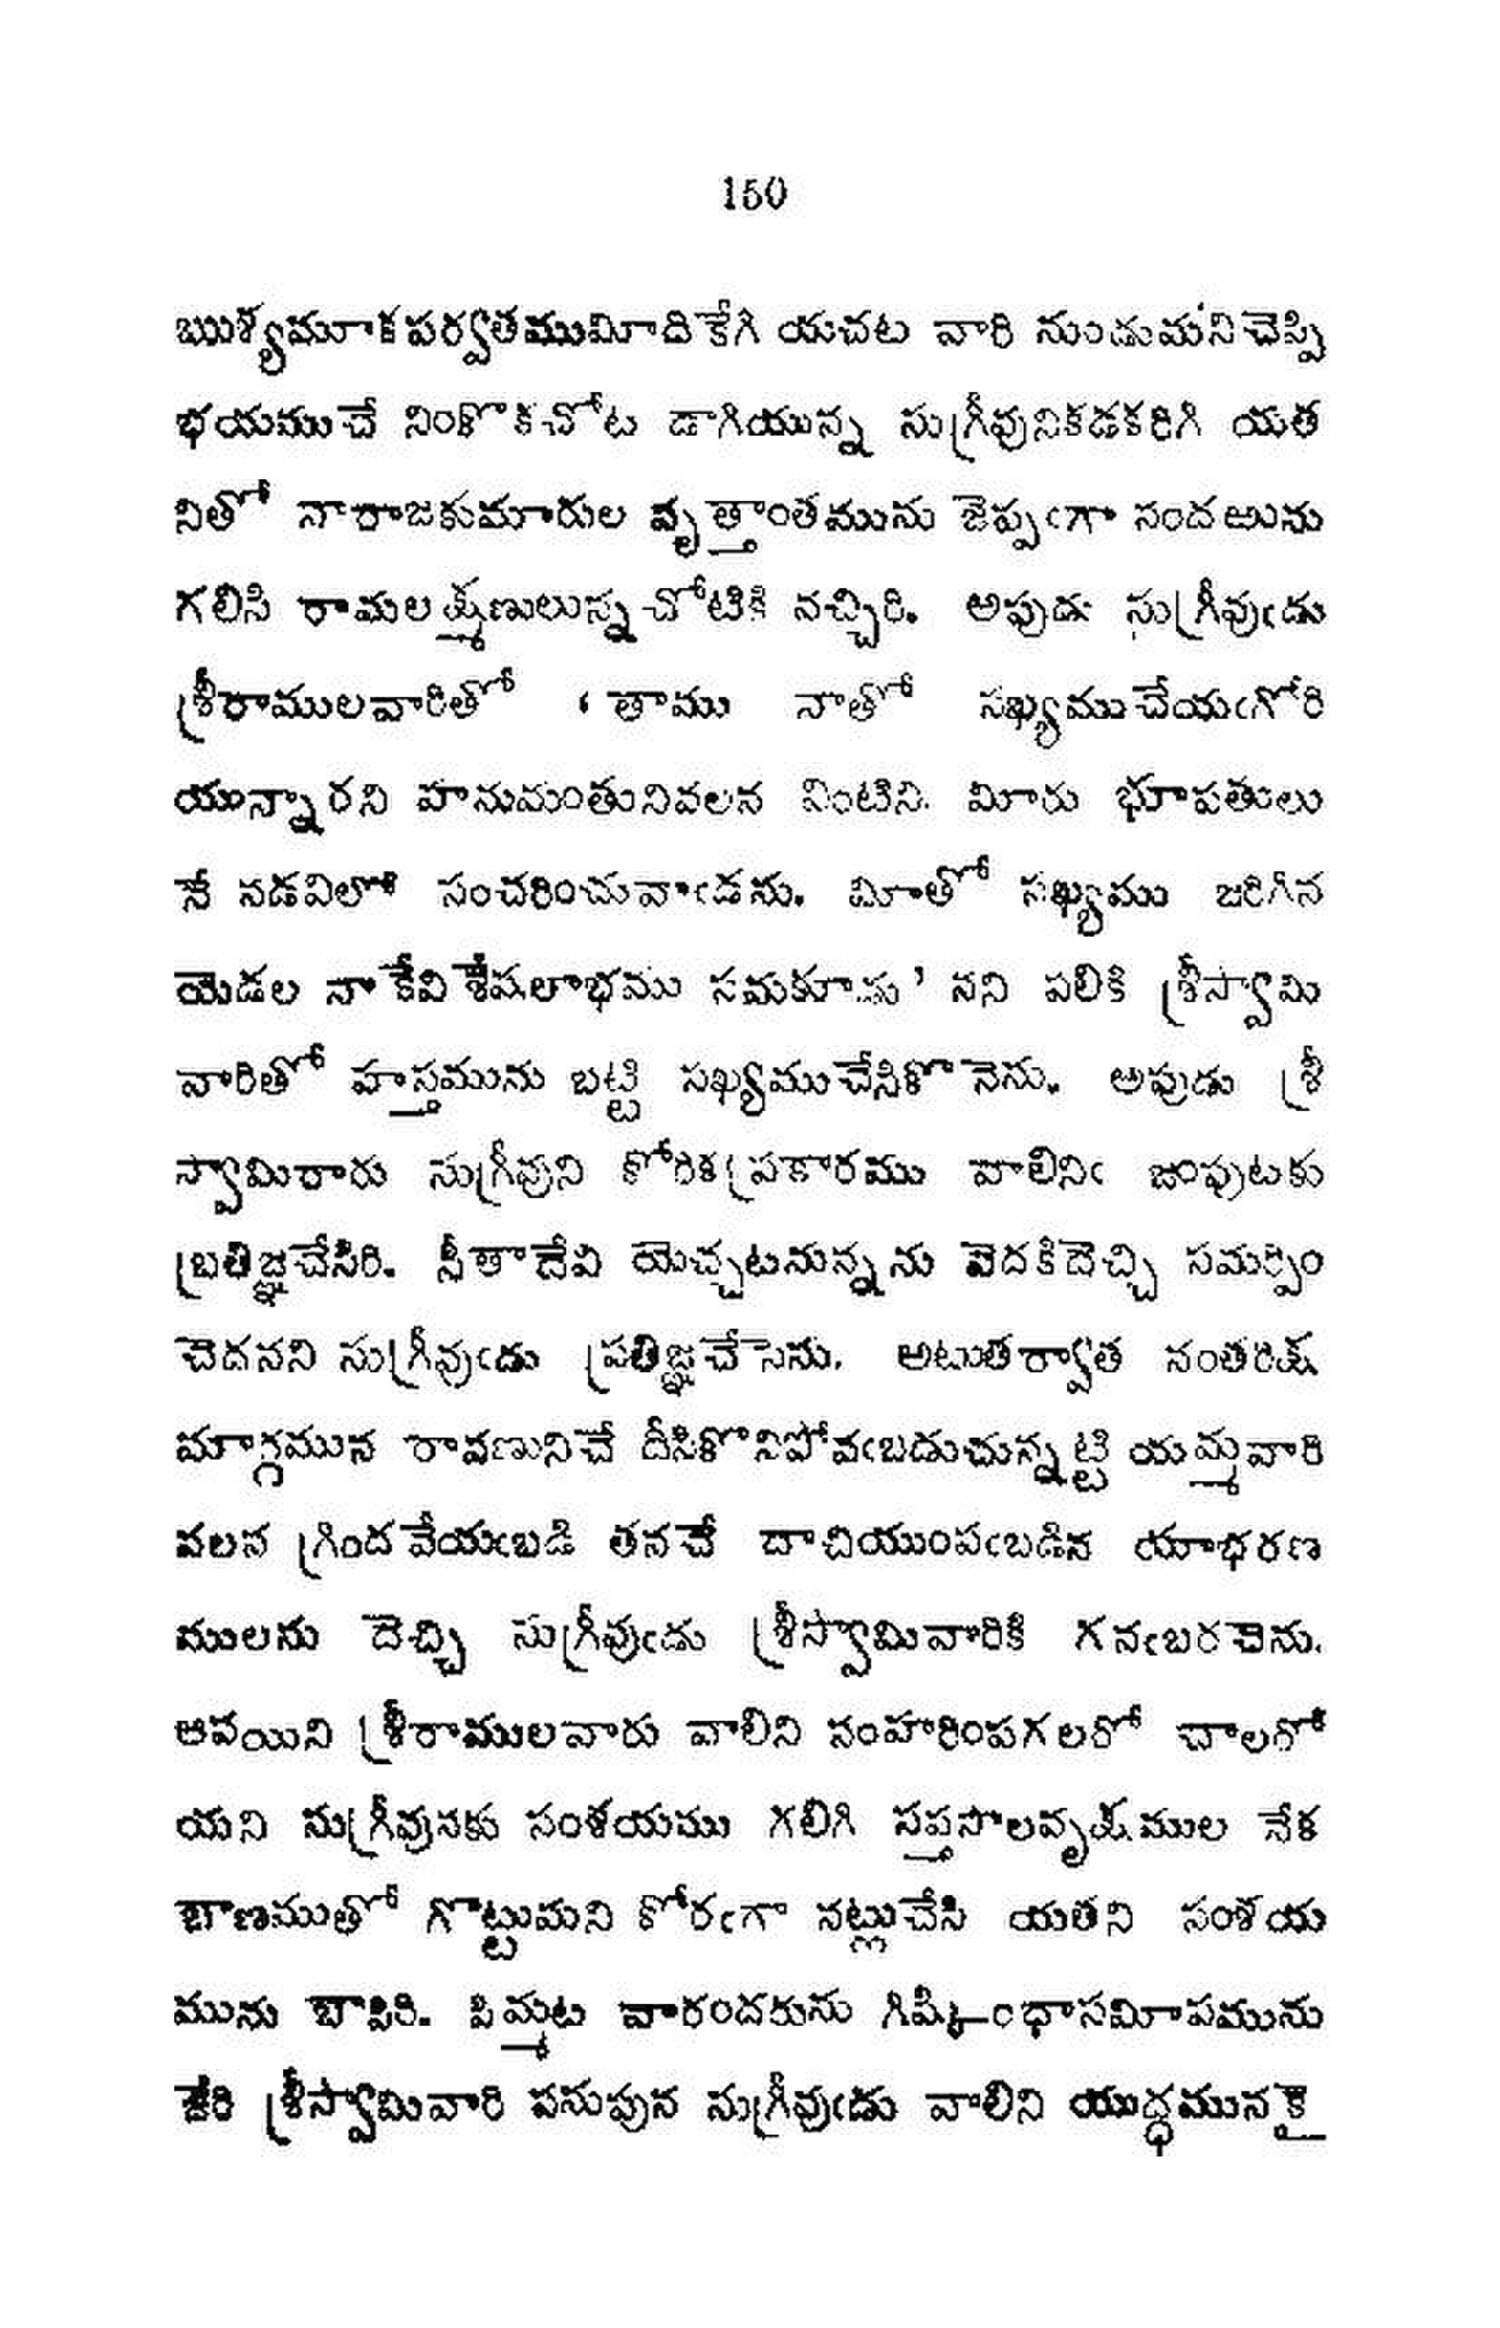ఋశ్యమూకపర్వతముమీదికేగి యచట వారి నుండుమనిచెప్పి భయముచే నింకొకచోట డాగియున్న సుగ్రీవునికడకరిగి యతనితో నారాజకుమారుల వృత్తాంతమును జెప్పఁగా నందఱును గలిసి రామలక్ష్మణులున్న చోటికి వచ్చిరి. అపుడు సుగ్రీవుఁడు శ్రీరాములవారితో 'తాము నాతో సఖ్యముచేయఁ గోరి యున్నారని హనుమంతునివలన వింటిని. మీరు భూపతులు నే నడవిలో సంచరించువాఁడను. మీతో సఖ్యము జరిగిన యెడల నాకేవిశేషలాభము సమకూడు' నని పలికి శ్రీస్వామివారితో హస్తమును బట్టి సఖ్యముచేసికొనెను. అపుడు శ్రీస్వామివారు సుగ్రీవుని కోరికప్రకారము వాలినిఁ జంపుటకు
బ్రతిజ్ఞచేసిరి. సీతాదేవి యెచ్చటనున్నను వెదకిదెచ్చి సమర్పించెదనని సుగ్రీవుఁడు ప్రతిజ్ఞచేసెను. అటుతర్వాత నంతరిక్షమార్గమున రావణునిచే దీసికొనిపోవఁబడుచున్నట్టి యమ్మవారి వలస గ్రిందవేయఁబడి తనచే దాచియుంపఁబడిన యాభరణములను దెచ్చి సుగ్రీవుఁడు శ్రీస్వామివారికి గనఁబరచెను. ఆపయిని శ్రీరాములవారు వాలిని సంహరింపగలరో చాలరో యని సుగ్రీవునకు సంశయము గలిగి సప్తసాలవృక్షముల నేకబాణముతో గొట్టుమని గోరఁగా నట్లుచేసి యతని సంశయమును బాపిరి. పిమ్మట వారందరును గిష్కింధాసమీపమును జేరి శ్రీస్వామివారి పనుపున సుగ్రీవుఁడు వాలిని యుద్ధమునకై